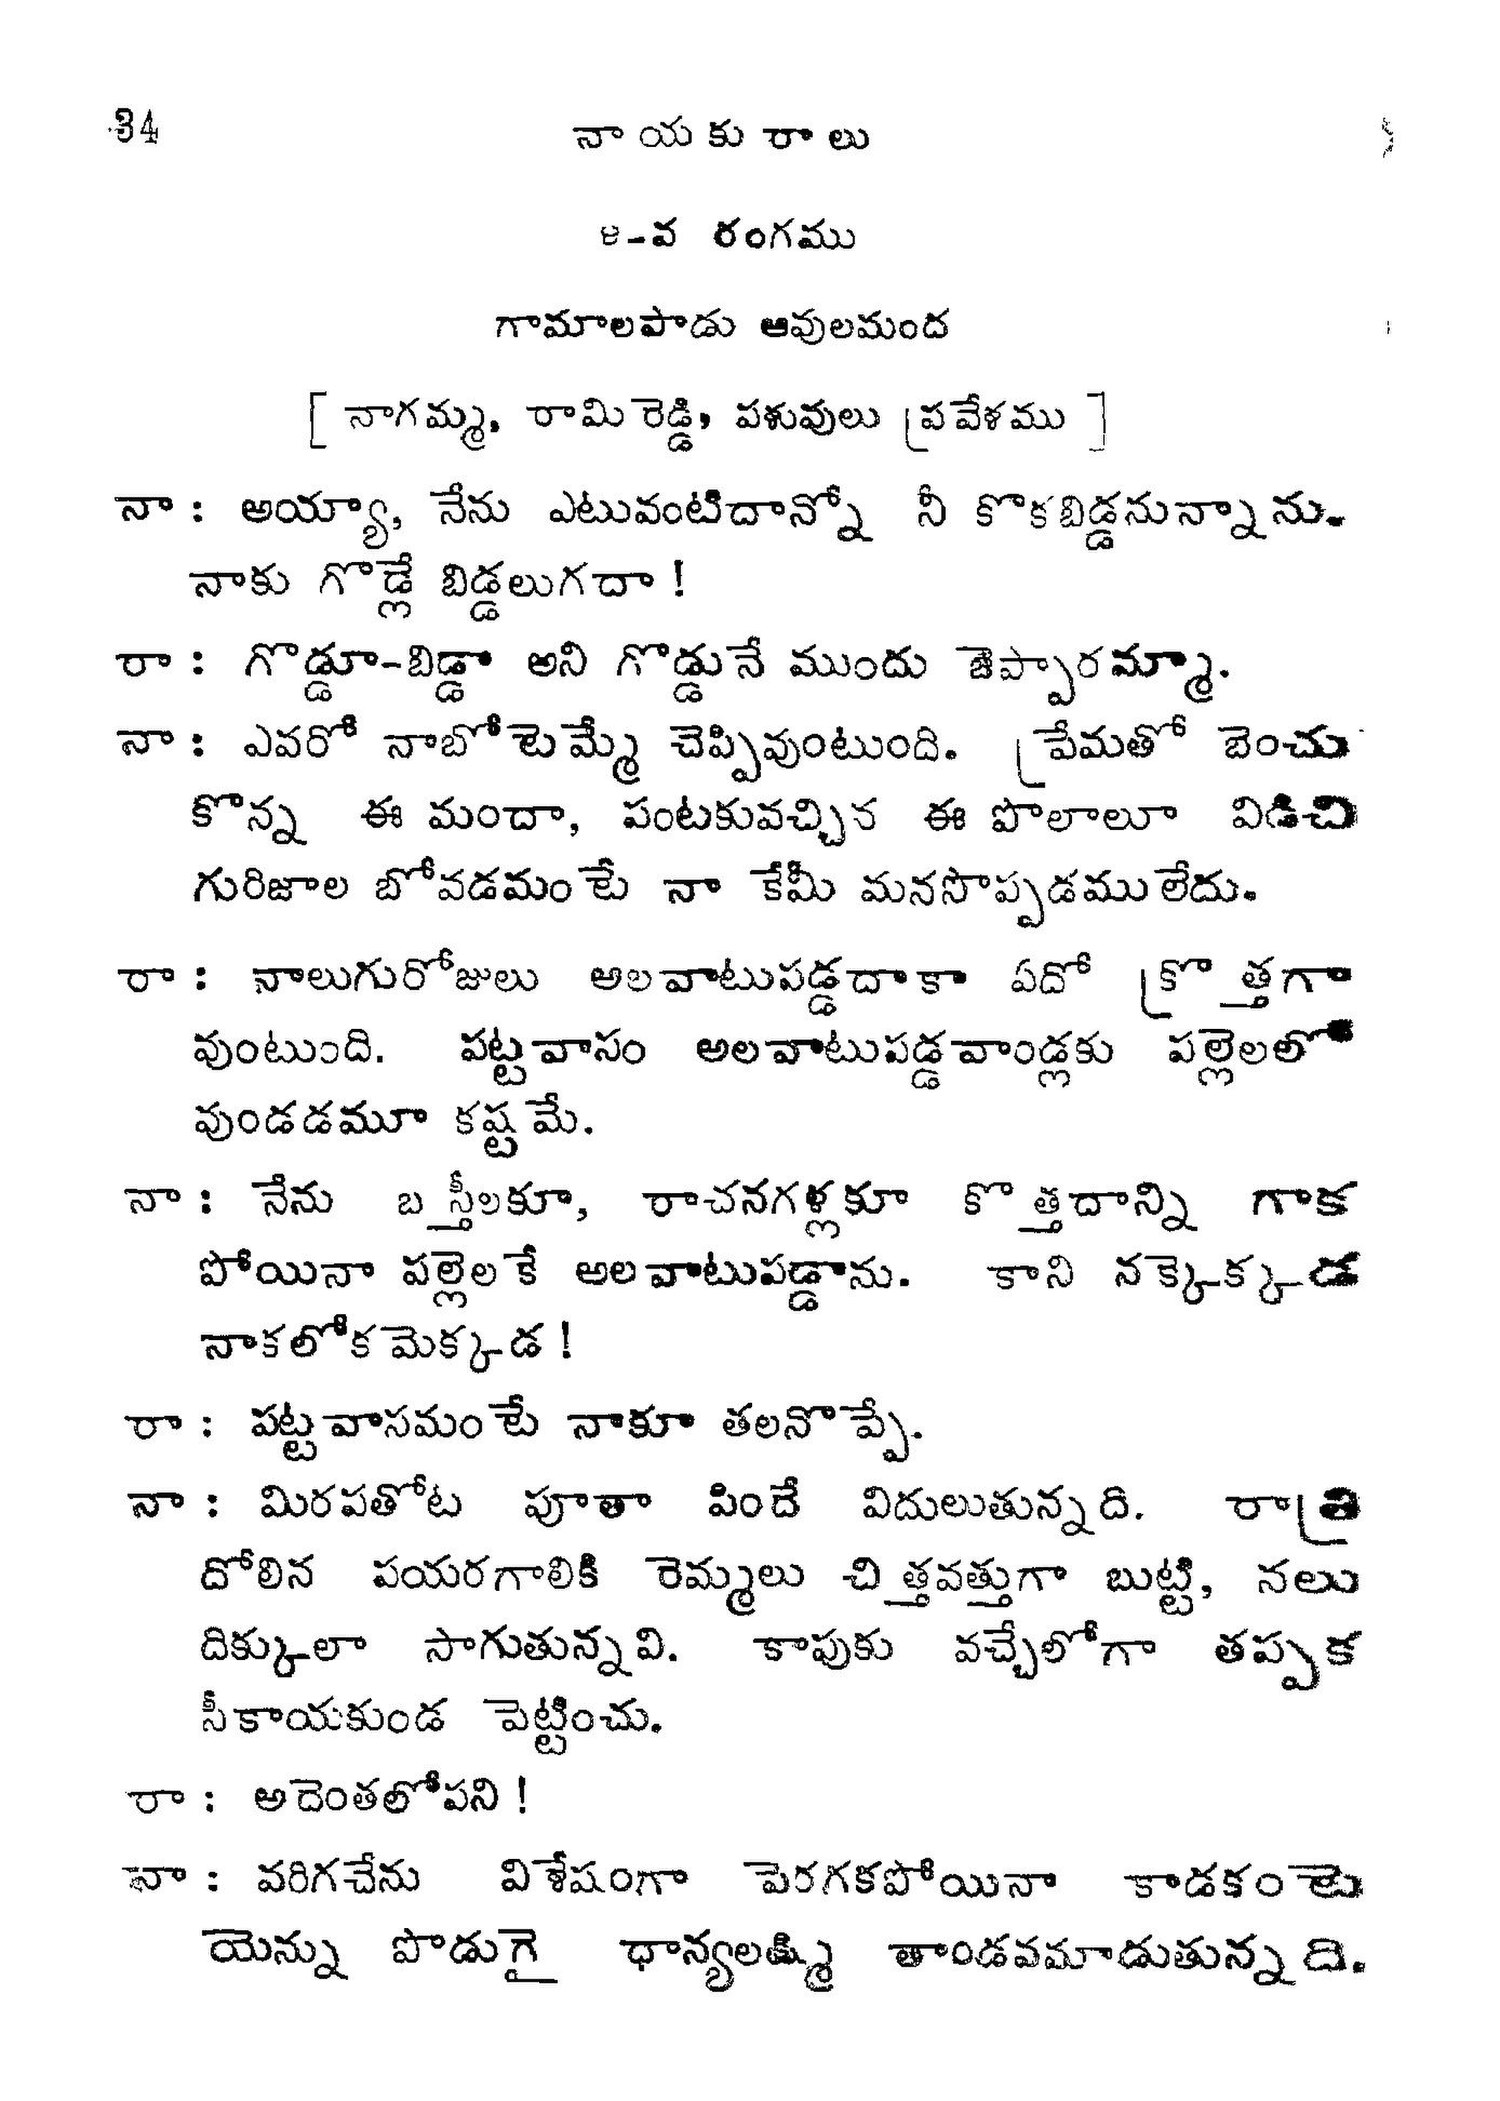నా : అయ్యా, నేను ఎటువంటిదాన్నో నీ కొకబిడ్డనున్నాను. నాకు గొడ్లే బిడ్డలుగదా !

రా : గొడ్డూ - బిడ్డా అని గొడ్డునే ముందు జెప్పారమ్మా.

నా : ఎవరో నాబోటెమ్మే చెప్పివుంటుంది. ప్రేమతో బెంచుకొన్న ఈ మందా, పంటకువచ్చిన ఈ పొలాలూ విడిచి గురిజాల బోవడమంటే నా కేమీ మనసొప్పడము లేదు.

రా : నాలుగురోజులు అలవాటుపడ్డదాకా ఏదో క్రొత్తగా వుంటుంది. పట్టవాసం అలవాటుపడ్డవాండ్లకు పల్లెలలో వుండడమూ కష్టమే.

నా : నేను బస్తీలకూ, రాచనగళ్లకూ కొత్తదాన్ని గాక పోయినా పల్లెలకే అలవాటుపడ్డాను. కాని నక్కెక్కడ
నాకలోక మెక్కడ!

రా : పట్టవాసమంటే నాకూ తలనొప్పే.

నా : మిరపతోట పూతా పిందే విదులుతున్నది. రాత్రి దోలిన పయరగాలికి రెమ్మలు చిత్తవత్తుగా బుట్టి, నలుదిక్కులా సాగుతున్నవి. కాపుకు వచ్చేలోగా తప్పక సీకాయకుండ పెట్టించు.

రా: అదెంతలో పని !

నా : వరిగచేను విశేషంగా పెరగకపోయినా కాడకంటె యెన్ను పొడుగై ధాన్యలక్ష్మి తాండవమాడుతున్నది.